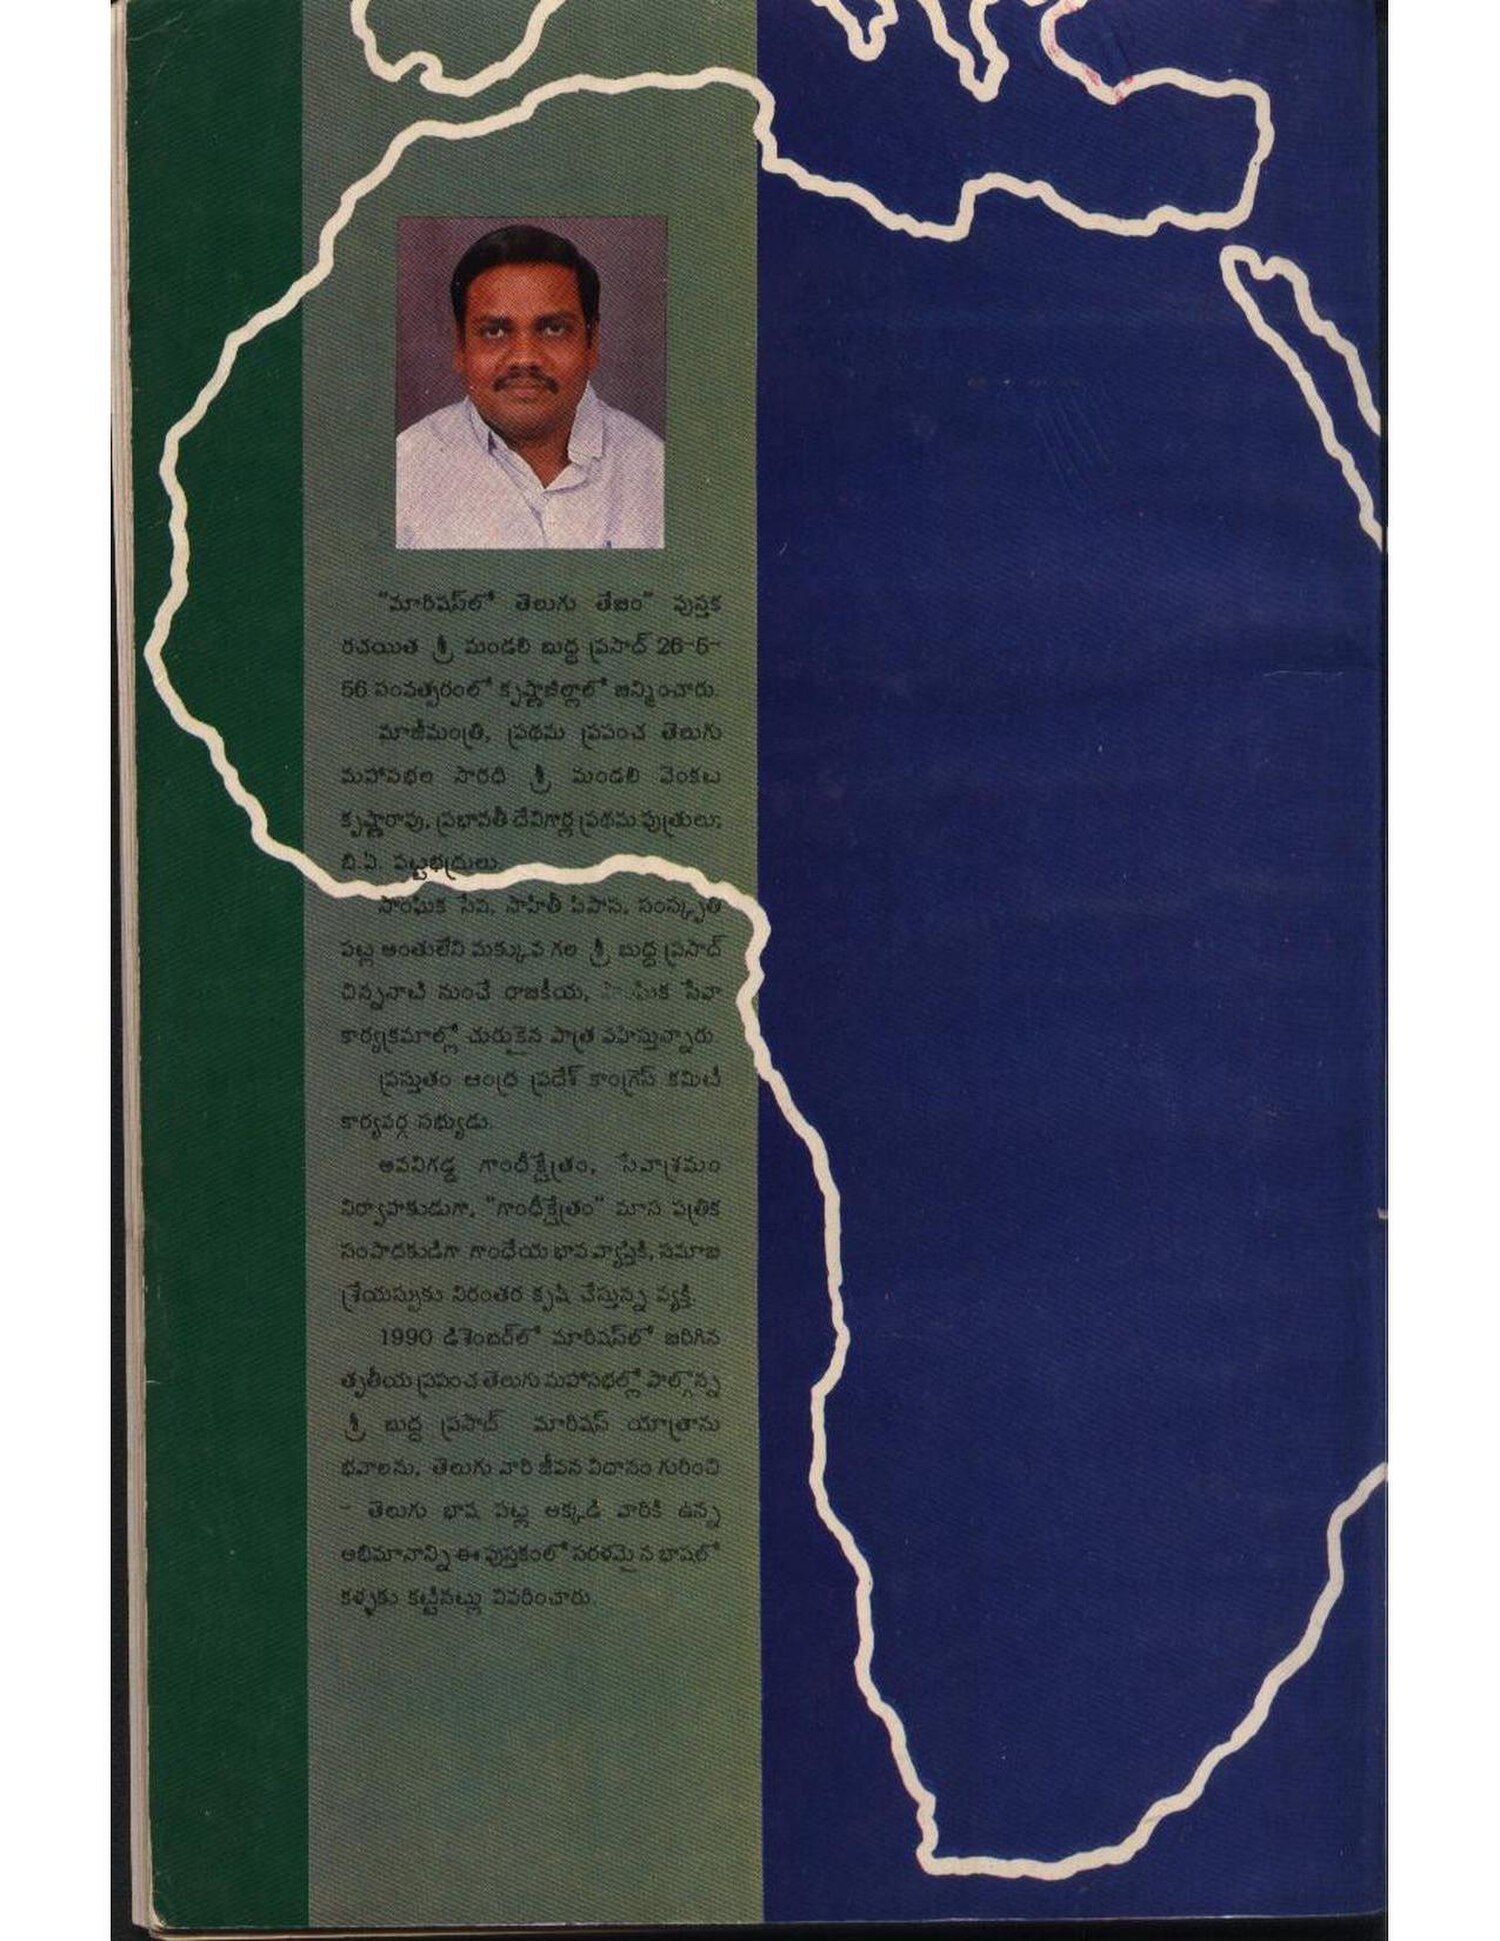"మారిషస్‌లో తెలుగు తేజం" పుస్తక రచయిత శ్రీ మండలి బుద్ధ ప్రసాద్ 26-5-56 సంవత్సరంలో కృష్ణాజిల్లాలో జన్మించారు. మాజీమంత్రి, ప్రథమ ప్రపంచ తెలుగు మహాసభల సారధి శ్రీ మండలి వెంకట కృష్ణారావు, ప్రభావతీ దేవిగార్ల ప్రథమ పుత్రులు; బి.ఏ. పట్టభద్రులు. సాంఘిక సేవ, సాహితీ పిపాస, సంస్కృతి పట్ల అంతులేని మక్కువ గల శ్రీ బుద్ధ ప్రసాద్ చిన్ననాటి నుంచే రాజకీయ, సాంఘిక సేవా కార్యక్రమాల్లో చురుకైన పాత్ర వహిస్తున్నారు. ప్రస్తుతం ఆంధ్ర ప్రదేశ్ కాంగ్రెస్ కమిటీ కార్యవర్గ సభ్యుడు. అవనిగడ్డ గాంధీక్షేత్రం, సేవాశ్రమం నిర్వాహకుడుగా, "గాంధీక్షేత్రం" మాస పత్రిక సంపాదకుడిగా గాంధేయ భావ వ్యాప్తికి, సమాజ శ్రేయస్సుకు నిరంతర కృషి చేస్తున్న వ్యక్తి. 1990 డిశెంబర్ లో మారిషస్ లో జరిగిన తృతీయ ప్రపంచ తెలుగు మహాసభల్లో పాల్గొన్న శ్రీ బుద్ధ ప్రసాద్ మారిషస్ యాత్రానుభవాలను, తెలుగు వారి జీవన విధానం గురించి తెలుగు భాష పట్ల అక్కడి వారికి ఉన్న అభిమానాన్ని ఈ పుస్తకంలో సరళమైన భాషలో కళ్ళకు కట్టినట్లు వివరించారు.